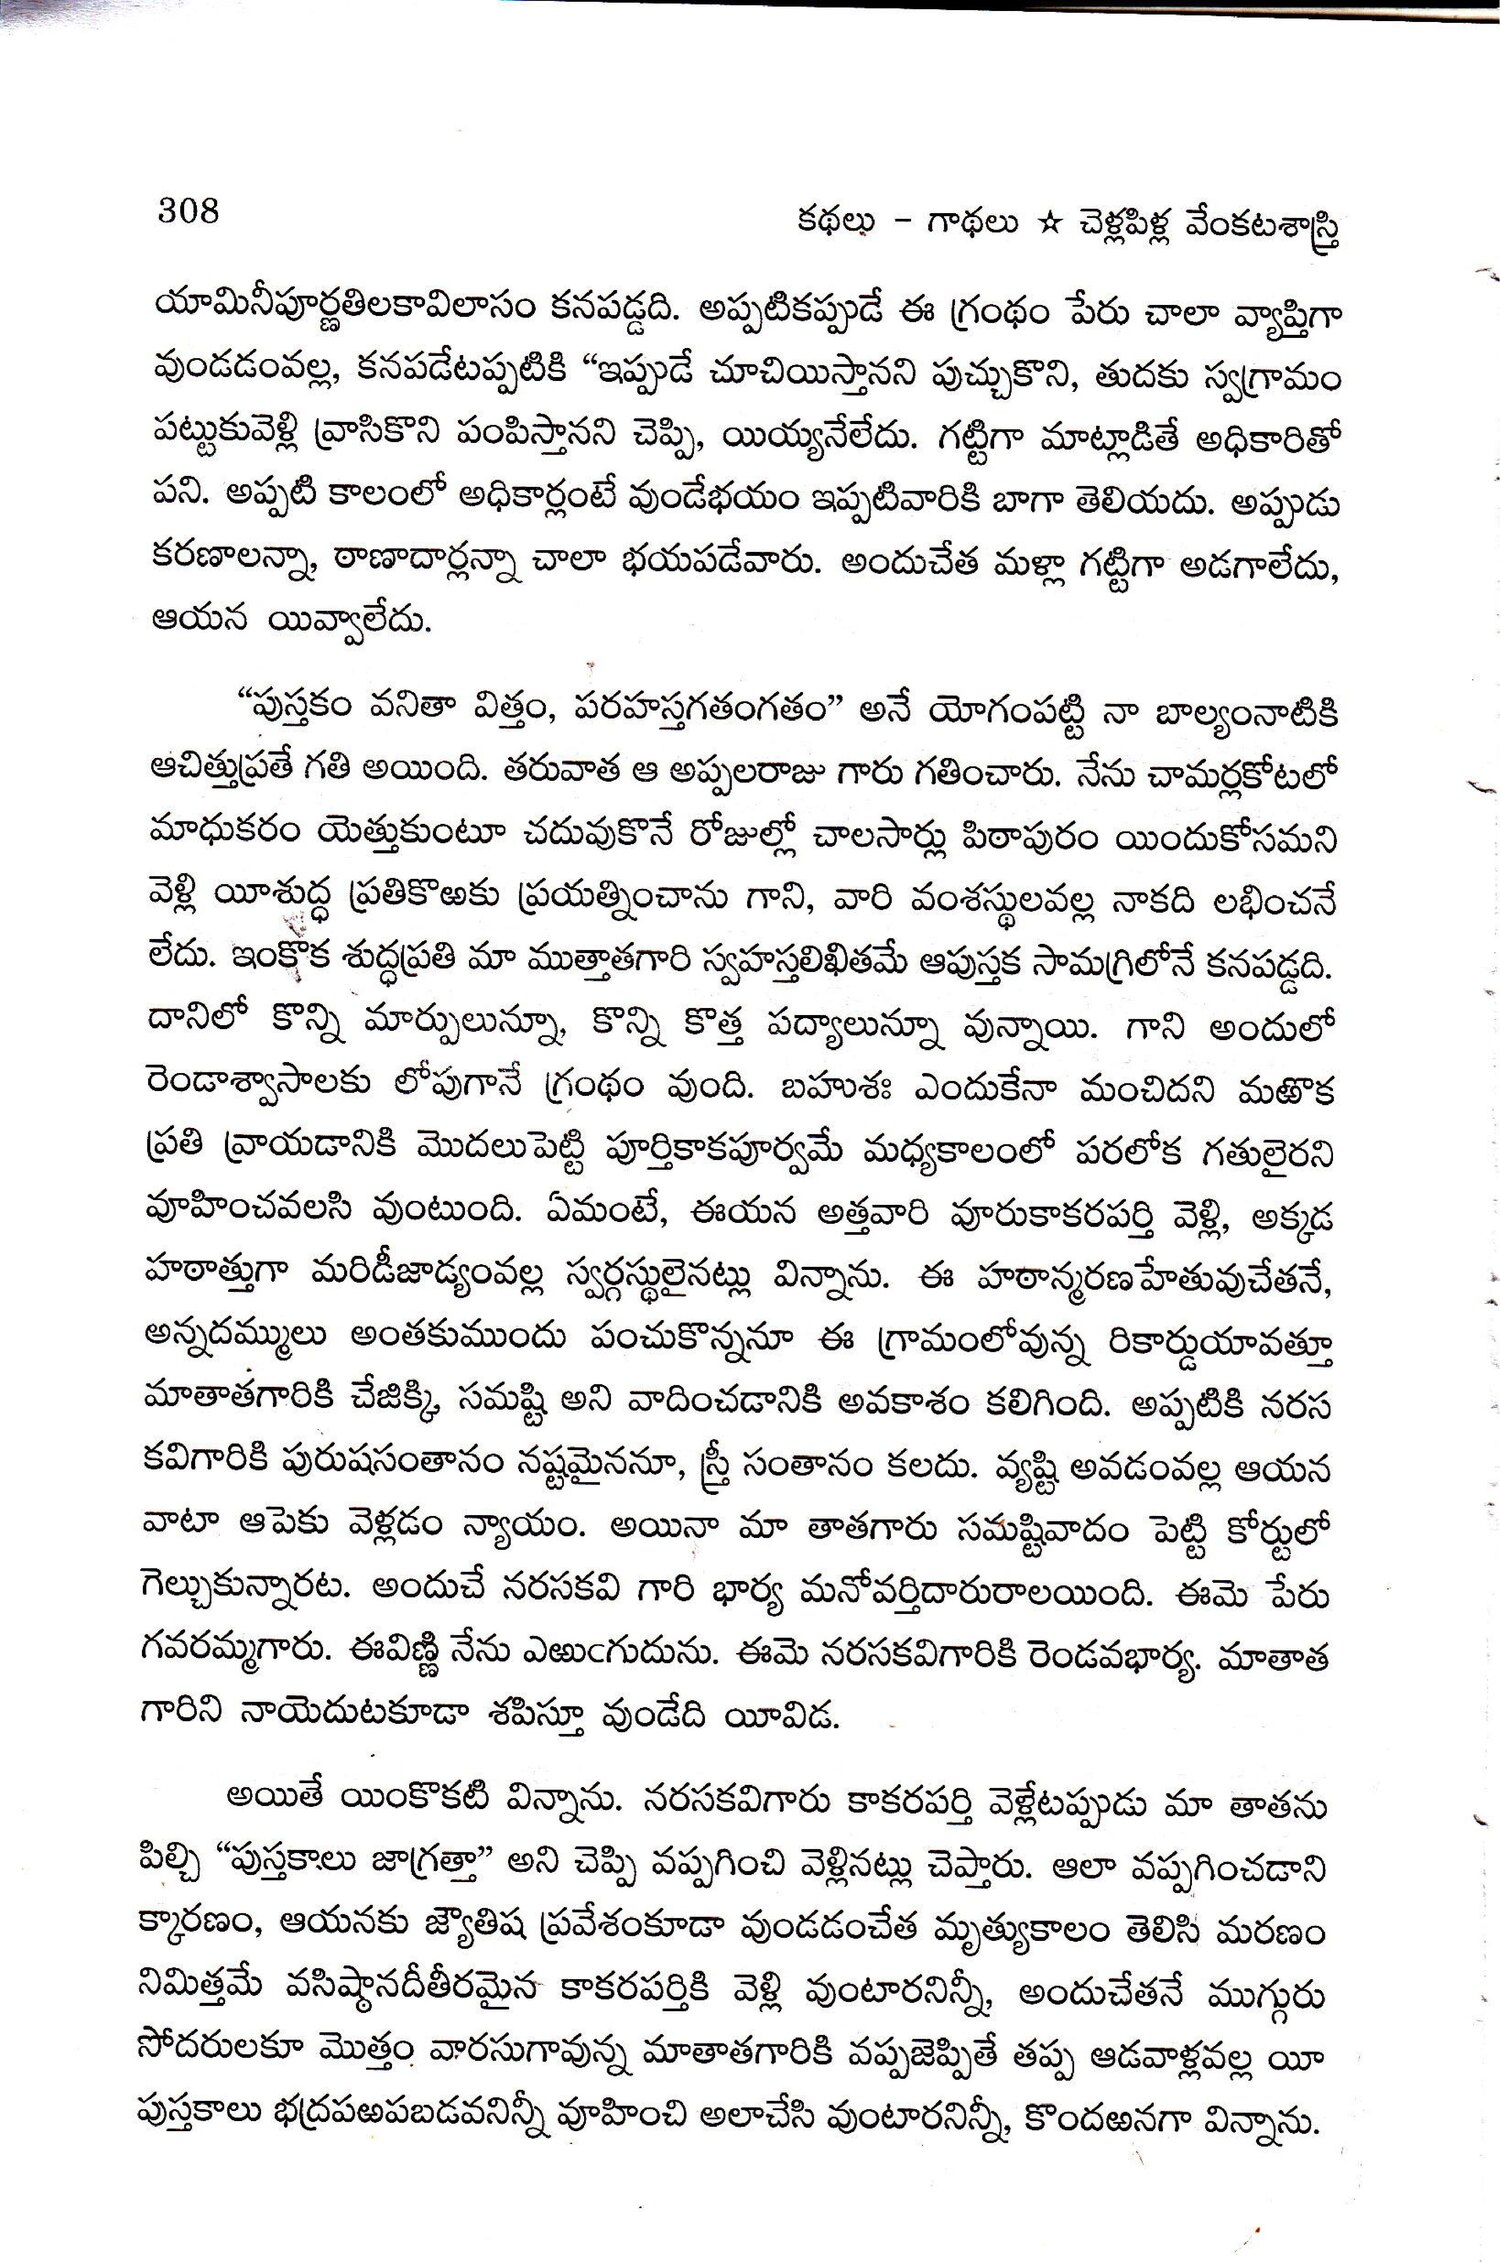యామినీపూర్ణతిలకావిలాసం కనపడ్డది. అప్పటికప్పుడే ఈ గ్రంథం పేరు చాలా వ్యాప్తిగా వుండడంవల్ల, కనపడేటప్పటికి “ఇప్పడే చూచియిస్తానని పుచ్చుకొని, తుదకు స్వగ్రామం పట్టుకువెళ్లి వ్రాసికొని పంపిస్తానని చెప్పి, యియ్యనేలేదు. గట్టిగా మాట్లాడితే అధికారితో పని. అప్పటి కాలంలో అధికార్లంటే వుండేభయం ఇప్పటివారికి బాగా తెలియదు. అప్పుడు కరణాలన్నా ఠాణాదార్లన్నా చాలా భయపడేవారు. అందుచేత మళ్లా గట్టిగా అడగాలేదు, ఆయన యివ్వాలేదు.

“పుస్తకం వనితా విత్తం, పరహస్తగతంగతం" అనే యోగంపట్టి నా బాల్యంనాటికి ఆచిత్తుప్రతే గతి అయింది. తరువాత ఆ అప్పలరాజు గారు గతించారు. నేను చామర్లకోటలో మాధుకరం యెత్తుకుంటూ చదువుకొనే రోజుల్లో చాలసార్లు పిఠాపురం యిందుకోసమని వెళ్లి యీశుద్ధ ప్రతికొఱకు ప్రయత్నించాను గాని, వారి వంశస్థులవల్ల నాకది లభించనే లేదు. ఇంకొక శుద్ధప్రతి మా ముత్తాతగారి స్వహస్తలిఖితమే ఆపుస్తక సామగ్రిలోనే కనపడ్డది. దానిలో కొన్ని మార్పులున్నూ కొన్ని కొత్త పద్యాలున్నూ వున్నాయి. గాని అందులో రెండాశ్వాసాలకు లోపుగానే గ్రంథం వుంది. బహుశః ఎందుకేనా మంచిదని మఱొక ప్రతి వ్రాయడానికి మొదలుపెట్టి పూర్తికాకపూర్వమే మధ్యకాలంలో పరలోక గతులైరని వూహించవలసి వుంటుంది. ఏమంటే, ఈయన అత్తవారి వూరుకాకరపర్తి వెళ్లి, అక్కడ హఠాత్తుగా మరిడీజాడ్యంవల్ల స్వర్గస్థులైనట్లు విన్నాను. ఈ హఠాన్మరణహేతువుచేతనే, అన్నదమ్ములు అంతకుముందు పంచుకొన్ననూ ఈ గ్రామంలోవున్న రికార్డుయావత్తూ మాతాతగారికి చేజిక్కి సమష్టి అని వాదించడానికి అవకాశం కలిగింది. అప్పటికి నరస కవిగారికి పురుషసంతానం నష్టమైననూ, స్త్రీ సంతానం కలదు. వ్యష్టి అవడంవల్ల ఆయన వాటా ఆపెకు వెళ్లడం న్యాయం. అయినా మా తాతగారు సమష్టివాదం పెట్టి కోర్టులో గెల్చుకున్నారట. అందుచే నరసకవి గారి భార్య మనోవర్తిదారురాలయింది. ఈమె పేరు గవరమ్మగారు. ఈవిణ్ణి నేను ఎఱుఁగుదును. ఈమె నరసకవిగారికి రెండవభార్య మాతాత గారిని నాయెదుటకూడా శపిస్తూ వుండేది యీవిడ.

అయితే యింకొకటి విన్నాను. నరసకవిగారు కాకరపర్తి వెళ్లేటప్పుడు మా తాతను పిల్చి “పుస్తకాలు జాగ్రత్తా" అని చెప్పి వప్పగించి వెళ్లినట్లు చెప్తారు. ఆలా వప్పగించడాని కారణం, ఆయనకు జ్యెతిష ప్రవేశంకూడా వుండడంచేత మృత్యుకాలం తెలిసి మరణం నిమిత్తమే వసిష్ఠానదీతీరమైన కాకరపర్తికి వెళ్లి వుంటారనిన్నీ అందుచేతనే ముగ్గురు సోదరులకూ మొత్తం వారసుగావున్న మాతాతగారికి వప్పజెప్పితే తప్ప ఆడవాళ్లవల్ల యీ పుస్తకాలు భద్రపఱపబడవనిన్నీ వూహించి అలాచేసి వుంటారనిన్నీ కొందఱనగా విన్నాను.